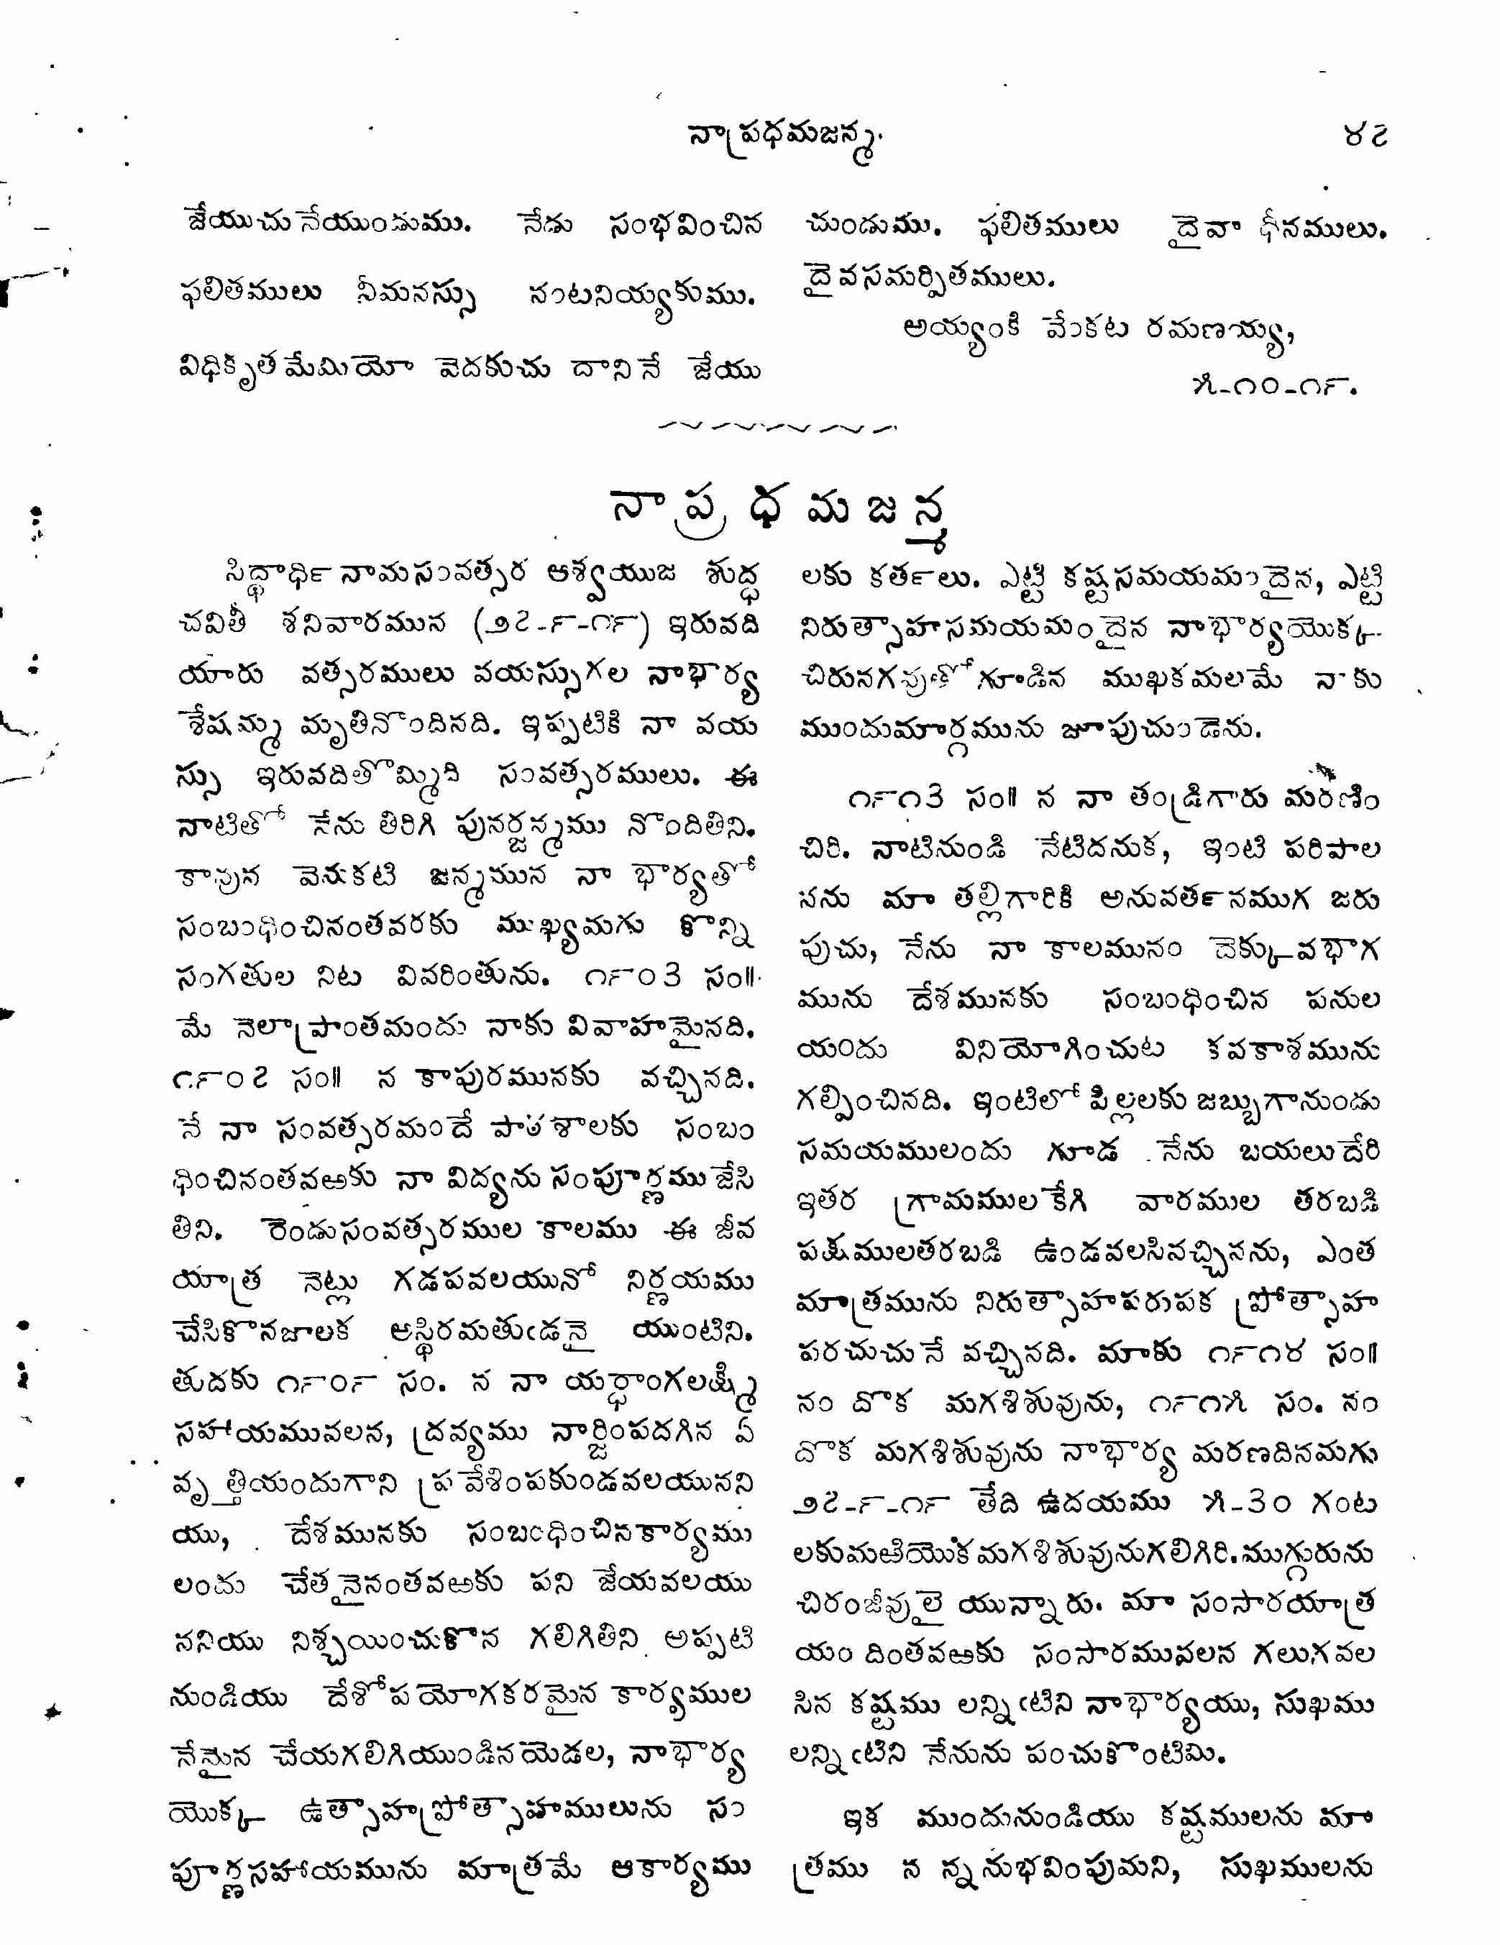జేయుచు నేయుండుము. నేడు సంభవించిన ఫలితములు నీమనస్సు నటనియ్యకుము. విధికృతమేమియో వెదకుచు దానినే జేయు
చుండుము, ఫలితములు దైవా ధీనములు, దైవసమర్పితములు.

నా ప్ర ధ మ జ న్మ
సిద్ధాధి౯ నామసంవత్సర ఆశ్వయుజ శుద్ధ
చవితి శనివారమున (౨౭-౯-౧౯) ఇరువది
యారు వత్సరములు వయస్సుగల నాభార్య
శేషమ్మ మృతినొందినది. ఇప్పటికి నా వయ
స్సు ఇరువదితొమ్మిది సంవత్సరములు. ఈ
నాటితో నేను తిరిగి పునర్జన్మము నొందితిని.
కావున వెనుకటి జన్మమున నా భార్యతో
సంబంధించినంతవరకు ముఖ్యమగు కొన్ని
సంగతుల నిట వివరింతును. ౧౯ 3 సం॥.
మే నెలా ప్రాంతమందు నాకు వివాహమైనది,
CFO ౭ సం॥ న కాపురమునకు వచ్చినది.
నే నా సంవత్సరమందే పాఠశాలకు సంబం
ధించినంతవఱకు నా విద్యను సంపూర్ణము జేసి
తిని, రెండు సంవత్సరముల కాలము ఈ జీవ
యాత్ర నెట్లు గడపవలయునో నిర్ణయము
చేసికొనజాలక ఆస్థిరమతుఁడనై యుంటిని.
తుదకు ౧౯౦౮ సం. న నా యర్ధాంగలక్ష్మి
సహాయమువలన, ద్రవ్యము నార్జింపదగిన ఏ
వృత్తియందుగాని ప్రవేశింపకుండవలయునని
యు, దేశమునకు సంబంధించిన కార్యము
లందు చేతనైనంతవఱకు పని జేయవలయు
ననియు నిశ్చయించుకొన గలిగితిని అప్పటి
నుండియు దేశోపయోగకరమైన కార్యముల
నేమైన చేయగలిగియుండిన యెడల, నాభార్య
యొక్క ఉత్సాహ ప్రోత్సాహములును సు
పూర్ణసహాయమును మాత్రమే ఆకార్యము
Я-00-05.
లకు కతలు. ఎట్టి కష్టసమయమందైన, ఎట్టి
నిరుత్సాహసమయమందైన నా భార్య యొక్క
చిరునగవుతో గూడిన ముఖకమలమే నాకు
ముందు మార్గమును జూపుచుండెను.
౧౯౧ ౩ సం|| న నా తండ్రిగారు మరణిం
చిరి. నాటినుండి నేటిదనుక, ఇంటి పరిపాల
నను మా తల్లిగారికి అనువతనముగ జరు
పుచు, నేను నా కాలమునం చెక్కువభాగ
మును దేశమునకు సంబంధించిన పనుల
యందు వినియోగించుట కవకాశమును
గల్పించినది. ఇంటిలో పిల్లలకు జబ్బుగానుండు
సమయములందు గూడ నేను బయలు దేరి
ఇతర గ్రామముల కేగి వారముల తరబడి
పక్షములతరబడి ఉండవలసినచ్చినను, ఎంత
మాత్రమును నిరుత్సాహపరుపక ప్రోత్సాహ
నం దొక మగశిశువును, ౧౯సం. నం
పరచుచునే వచ్చినది. మాకు ౧౯౧ర సం॥
దొక మగశిశువును నా భార్య మరణదినమగు
౨౭౯-౧౯ తేది ఉదయము -30 గంట
లకుమఱియొక మగశిశువునుగలిగిరి. ముగ్గురును
చిరంజీవులై యున్నారు. మా సంసారయాత్ర
యం దింతవఱకు సంసారమువలన గలుగవల
సిన కష్టము లన్నింటిని నాభార్యయు, సుఖము
లన్నింటిని నేనును పంచుకొంటిమి.
ఇక ముందునుండియు కష్టములను మా
త్రము నన్ననుభవింపుమని, సుఖములను